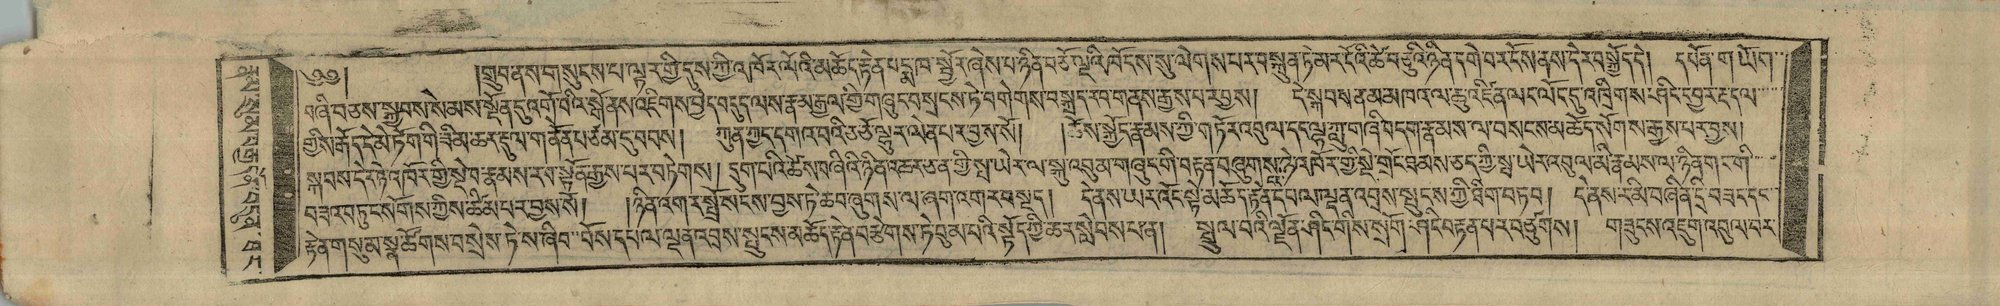༄༅། །གྲུབ་ནས་གསུངས་པ་ལྟར་གྱི་དུས་ཀྱི་འཁོར་ལོའི་མཆོད་རྟེན་པདམ་ཁ་སྦྱོར་ཞེས་པ་ཉིན་བཅོ་ལྔའི་ཁོངས་སུ་ལེགས་པར་བསྐྲུན་ཏེ་མར་ངོའི་ཚེ་བཅུའི་ཉིན་དགེ་བར་ངོས་ནས་དེར་བསྐྱོད་དེ། དཔོན་གཡོག་
བཞི་བཅས་སྐྱབས་སེམས་སྔོན་དུ་འགྲོ་བའི་སྒོ་ནས་འཇིགས་བྱེད་བདུད་ལས་རྣམ་རྒྱལ་གྱི་གཞུང་བསྲངས་ཏེ་བགེགས་བསྐྲད་རབ་གནས་རྒྱས་པར་བྱས། དེ་སྐབས་ནམ་མཁའ་ལ་ཆུ་འཛིན་ལང་ལོང་དུ་འཁྲིགས་ཤིང་དབྱར་རྔ་དལ་
གྱིས་རྒོད་དེ་མེ་ཏོག་གི་ཟིམ་ཆར་རྡུལ་གནོན་པ་ཙམ་དུ་བབས། ཀུན་ཀྱང་དགའ་བའི་ཅ་ཅོ་ལྷུར་ལེན་པར་བྱས་སོ། །ཆོས་སྐྱོང་རྣམས་ཀྱི་གཏོར་འབུལ་དང་ལྷ་ཀླུ་གཞི་བདག་རྣམས་ལ་བསངས་མཆོད་སོགས་རྒྱས་པར་བྱས།
སྐབས་དེར་ཉེ་འཁོར་གྱི་སྡེ་བ་རྣམས་རབ་སྟོན་རྒྱས་པར་བཏེགས། དྲུག་པའི་ཚེས་བཞིའི་ཉིན་འཆར་ཅན་གྱི་སྤ་ཡེར་ལ་སྐུ་འབུམ་གཞུང་གི་བརྟན་བཞུགས་པར་ཉེ་འཁོར་གྱི་སྡེ་གྲོང་ཐམས་ཅད་ཀྱི་སྦ་ཡེར་འབུལ་མི་རྣམས་ལ་ཉིན་གང་གི་
བཟའ་བཏུང་སོགས་ཀྱིས་ཚིམ་པར་བྱས་སོ། །ཉིན་འགར་སྤྲོ་སངས་བྱས་ཏེ་ཆབ་ཞུགས་ལ་ཞག་འགར་བསྡད། དེ་ནས་ཡར་འོང་སྟེ་མཆོད་རྟེན་དཔལ་ལྡན་འབྲས་སྤུངས་ཀྱི་ཐིག་བརྟབ། དེ་ནས་རིམ་བཞིན་དྲི་བཟང་དང་
རྟེན་གསུམ་སྣ་ཚོགས་བསྲེས་ཏེ་ས་ཞིབ་བོས་དཔལ་ལྡན་འབྲས་སྤུངས་མཆོད་རྟེན་བརྩེགས་ཏེ་བུམ་པའི་སྟོད་ཀྱི་ཆར་སླེབས་པ་ན། སྤྲུལ་བའི་ལྗོན་ཤིང་གིས་སྲོག་ཤིང་བརྟན་པར་བཙུགས། གཟུངས་འཇུག་འབུལ་བར་